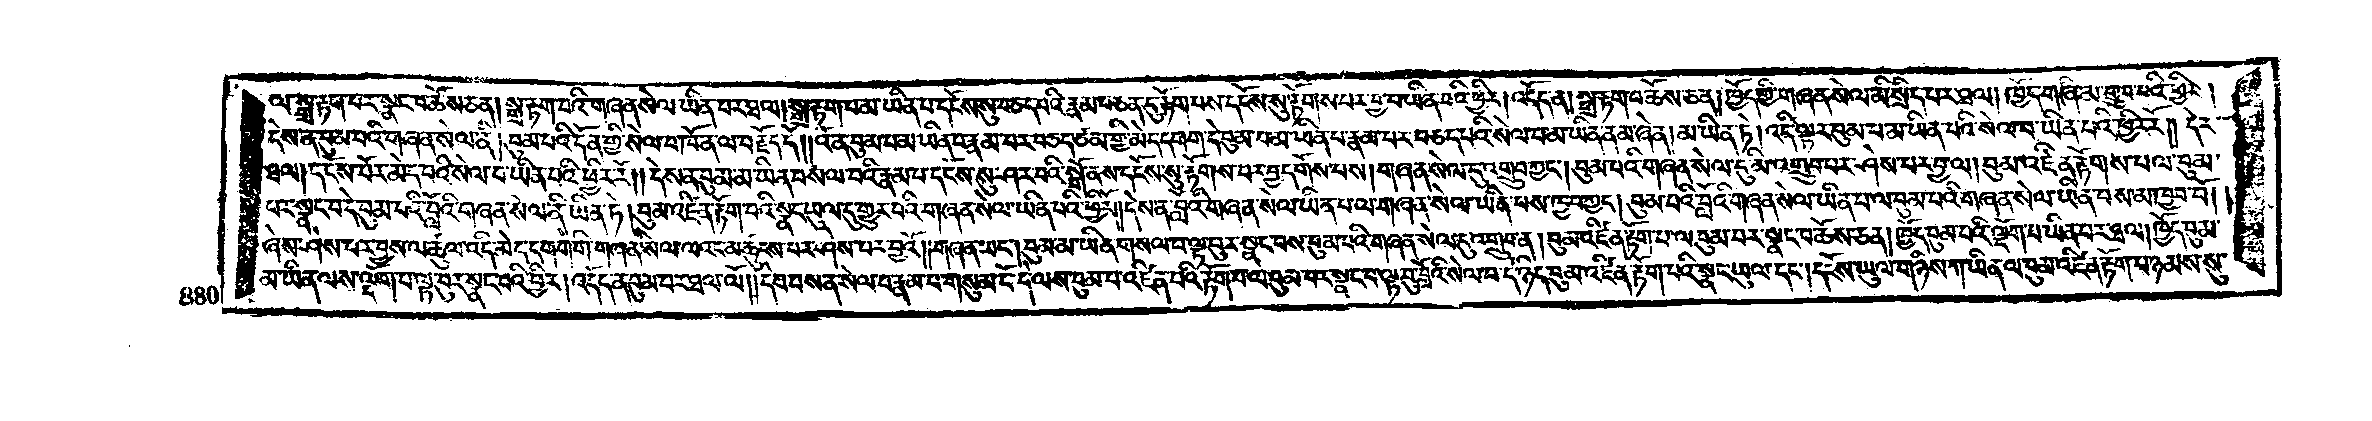ལ་སྒྲ་རྟག་པར་སྣང་བ་ཆོས་ཅན། སྒྲ་རྟག་པའི་གཞན་སེལ་ཡིན་པར་ཐལ། སྒྲ་རྟག་པ་མ་ཡིན་པ་དངོས་སུ་བཅད་པའི་རྣམ་པ་ཅན་དུ་རྟོག་པས་དངོས་སུ་རྟོགས་པར་བྱ་བ་ཡིན་པའི་ཕྱིར། འདོད་ན། སྒྲ་རྟག་པ་ཆོས་ཅན། ཁྱོད་ཀྱི་གཞན་སེལ་མི་སྲིད་པར་ཐལ། ཁྱོད་གཞི་མ་གྲུབ་པའི་ཕྱིར།
དེས་ན་བུམ་པའི་གཞན་སེལ་ནི། བུམ་པའི་དོན་གྱི་སེལ་བ་ཁོ་ན་ལ་བརྗོད་དོ། །འོ་ན་བུམ་པ་མ་ཡིན་པ་རྣམ་པར་བཅད་ཙམ་གྱི་མེད་དགག་དེ་བུམ་པ་མ་ཡིན་པ་རྣམ་པར་བཅད་པའི་སེལ་བ་མ་ཡིན་ནམ་ཞེ་ན། མ་ཡིན་ཏེ། འདི་ལྟར་བུམ་པ་མ་ཡིན་པའི་སེལ་བ་ཡིན་པའི་ཕྱིར་རོ། །དེར་
ཐལ༑ དངོས་པོར་མེད་པའི་སེལ་བ་ཡིན་པའི་ཕྱིར་རོ། །དེས་ན་བུམ་མ་ཡིན་བསལ་བའི་རྣམ་པ་དངོས་སུ་ཤར་བའི་སྒོ་ནས་དངོས་སུ་རྟོགས་པར་བྱ་དགོས་པས། གཞན་སེལ་དུ་འགྲུབ་ཀྱང་། བུམ་པའི་གཞན་སེལ་དུ་མི་འགྲུབ་པར་ཤེས་པར་བྱ་ལ། བུམ་འཛིན་རྟོགས་པ་ལ་བུམ་
པར་སྣང་བ་དེ་བུམ་པའི་བློའི་གཞན་སེལ་ནི་ཡིན་ཏེ། བུམ་འཛིན་རྟོག་པའི་སྣང་ཡུལ་དུ་གྱུར་བའི་གཞན་སེལ་ཡིན་པའི་ཕྱིར་རོ། །དེས་ན་བློའི་གཞན་སེལ་ཡིན་པ་ལ་གཞན་སེལ་ཡིན་པས་ཁྱབ་ཀྱང་། བུམ་པའི་བློའི་གཞན་སེལ་ཡིན་པ་ལ་བུམ་པའི་གཞན་སེལ་ཡིན་པས་མ་ཁྱབ་བོ། །
ཞེས་ཤེས་པར་བྱས་ལ་ཚུལ་འདི་མེད་དགག་གི་གཞན་སེལ་ལའང་མཚུངས་པར་ཤེས་པར་བྱའོ། །གཞན་ཡང་། བུམ་མ་ཡིན་གསལ་བ་ལྟ་བུར་སྣང་བས་བུམ་པའི་གཞན་སེལ་དུ་འགྲུབ་ན། བུམ་འཛིན་རྟོག་པ་ལ་བུམ་པར་སྣང་བ་ཆོས་ཅན། ཁྱོད་བུམ་པའི་ལྡོག་པ་ཡིན་པར་ཐལ། ཁྱོད་བུམ་
མ་ཡིན་ལས་ལྡོག་པ་ལྟ་བུར་སྣང་བའི་ཕྱིར། འདོད་ན་བུམ་པར་ཐལ་ལོ། །དེ་བས་ན་སེལ་བ་རྣམ་པ་གསུམ་པོ་དེ་ལས་བུམ་པ་འཛིན་པའི་རྟོག་པ་ལ་བུམ་པར་སྣང་བ་ལྟ་བུ་བློའི་སེལ་བ་དེ་ཉིད་བུམ་འཛིན་རྟོག་པའི་སྣང་ཡུལ་དང་། དངོས་ཡུལ་གཉིས་ཀ་ཡིན་ལ་བུམ་འཛིན་རྟོག་པ་ཉམས་སུ་